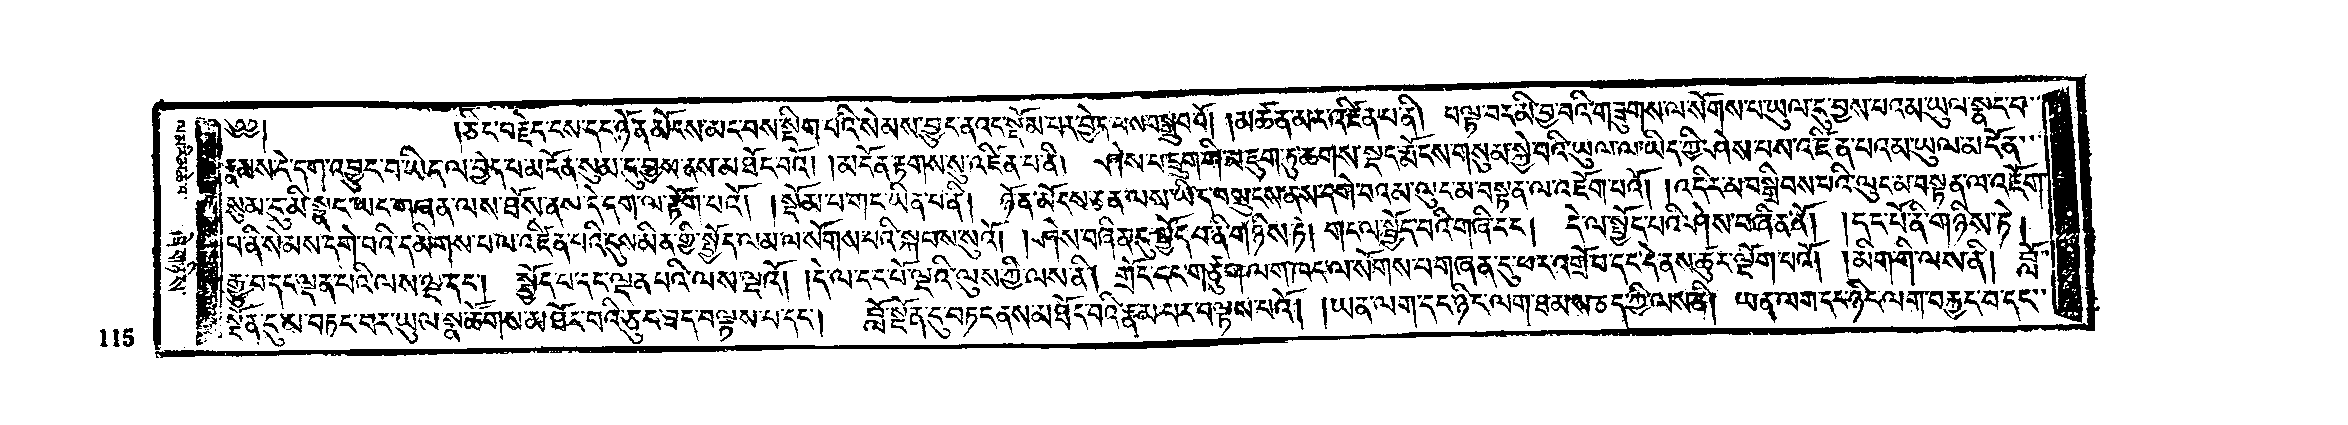༄༅། །ཅིང་བརྗེད་ངས་དང་ཉོན་མོངས་མང་བས་སྡིག་པའི་སེམས་བྱུང་ནའང་སྡོམ་པར་བྱེད་པས་བསྒྲུབ་བོ། །མཚན་མར་འཛིན་པ་ནི། བལྟ་བར་མི་བྱ་བའི་གཟུགས་ལ་སོགས་པ་ཡུལ་དུ་བྱས་པའམ་ཡུལ་སྣང་བ་
རྣམས་དེ་དག་འབྱུང་བ་ཡིད་ལ་བྱེད་པ་མངོན་སུམ་དུ་བྱས་ནས་མཐོང་བའོ། །མངོན་རྟགས་སུ་འཛིན་པ་ནི། ཤེས་པ་དྲུག་གི་མཇུག་ཏུ་ཆགས་སྡང་རྨོངས་གསུམ་སྐྱེ་བའི་ཡུལ་ལ་ཡིད་ཀྱི་ཤེས་པས་འཛིན་པའམ་ཡུལ་མངོན་
སུམ་དུ་མི་སྣང་ཡང་གཞན་ལས་ཐོས་ནས་དེ་དག་ལ་རྟོག་པའོ། །སྡོམ་པ་གང་ཡིན་པ་ནི། ཉོན་མོངས་ཅན་ལས་ཡིད་བསྲུངས་ནས་དགེ་བའམ་ལུང་མ་བསྟན་ལ་འཇོག་པའོ། །འདིར་མ་བསྒྲིབས་པའི་ལུང་མ་བསྟན་ལ་འཇོག་
པ་ནི་སེམས་དགེ་བའི་དམིགས་པ་ལ་འཛིན་པའི་དུས་མིན་གྱི་སྤྱོད་ལམ་ལ་སོགས་པའི་སྐབས་སུའོ། །ཤེས་བཞིན་དུ་སྤྱོད་པ་ནི་གཉིས་ཏེ། གང་ལ་སྤྱོད་པའི་གཞི་དང་། དེ་ལ་སྤྱོད་པའི་ཤེས་བཞིན་ནོ། །དང་པོ་ནི་གཉིས་ཏེ།
རྒྱུ་བ་དང་ལྡན་པའི་ལས་ལྔ་དང་། སྤྱོད་པ་དང་ལྡན་པའི་ལས་ལྔའོ། །དེ་ལ་དང་པོ་ལྔའི་ལུས་ཀྱི་ལས་ནི། གྲོང་དང་གཙུག་ལག་ཁང་ལ་སོགས་པ་གཞན་དུ་ཕར་འགྲོ་བ་དང་དེ་ནས་ཚུར་ལྡོག་པའོ། །མིག་གི་ལས་ནི། བློ་
སྔོན་དུ་མ་བཏང་བར་ཡུལ་སྣ་ཚོགས་མཐོང་བའི་ཅུང་ཟད་བལྟས་པ་དང་། བློ་སྔོན་དུ་བཏང་ནས་མཐོང་བའི་རྣམ་པར་བལྟས་པའོ། །ཡན་ལག་དང་ཉིང་ལག་ཐམས་ཅད་ཀྱི་ལས་ནི། ཡན་ལག་དང་ཉིང་ལག་བརྐྱང་བ་དང་